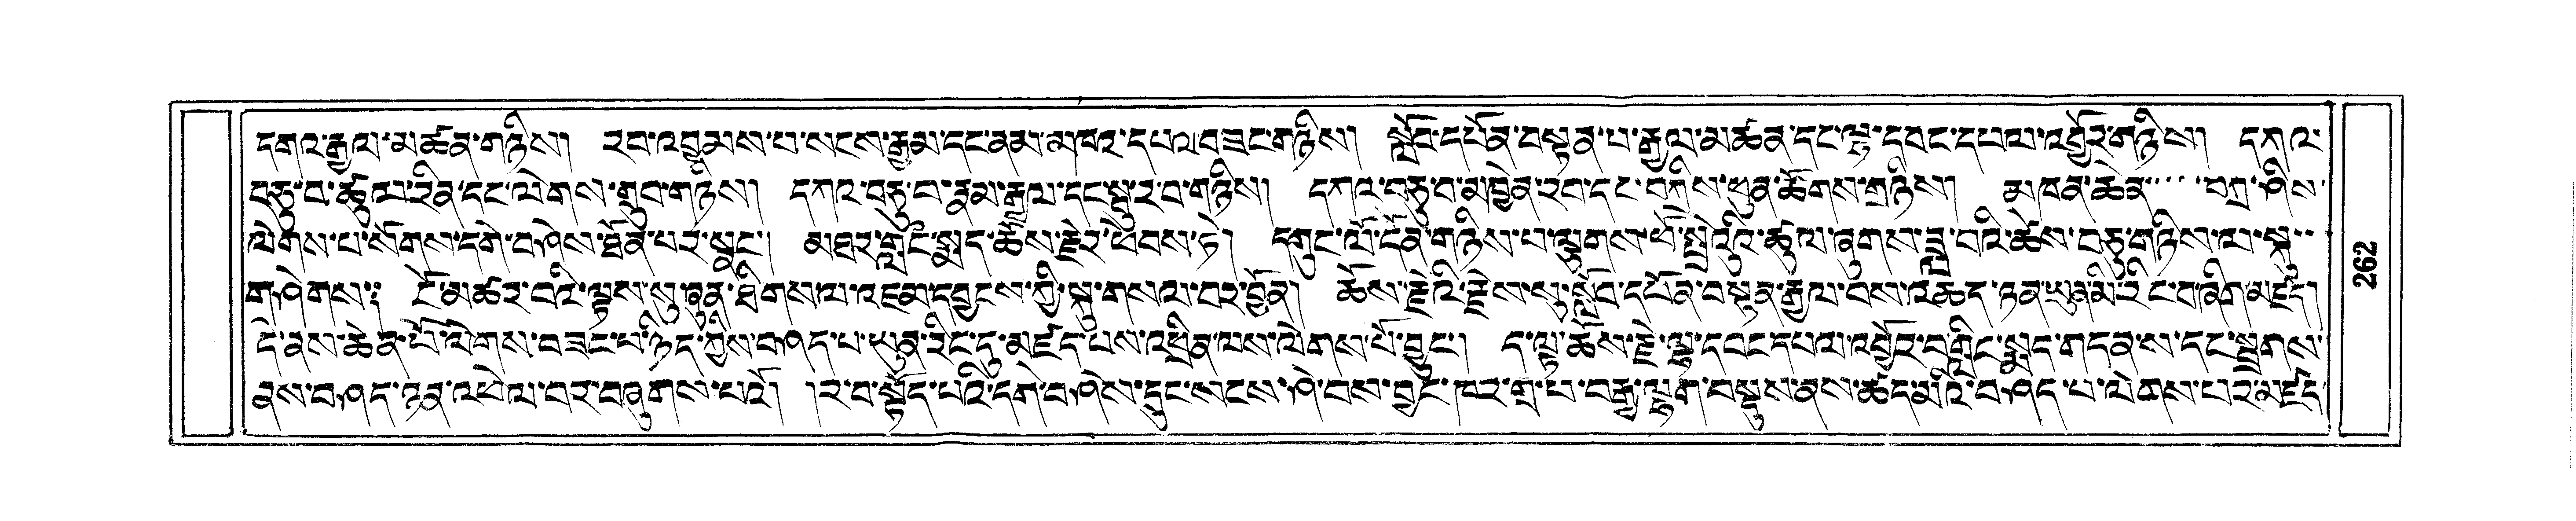དགའ་རྒྱལ་མཚན་གཉིས། རབ་འབྱམས་པ་སངས་རྒྱམ་དང་ནམ་མཁའ་དཔའ་བཟང་གཉིས། སློབ་དཔོན་བསྟན་པ་རྒྱལ་མཚན་དང་ལྷ་དབང་དཔལ་འབྱོར་གཉིས། དཀའ་
བཅུ་བ་ཚུལ་རིན་དང་ལེགས་གྲུབ་གཉིས། དཀའ་བཅུ་བ་རྣམ་རྒྱལ་དང་སྦུ་ར་བ་གཉིས། དཀའ་བཅུ་བ་མཁྱེན་རབ་དང་བཀྲིས་ཕུན་ཚོགས་གཉིས། མཁན་ཆེན་བཀྲ་ཤིས་
ལེགས་པ་སོགས་དགེ་བཤེས་ཐོན་པར་སྣང་། མཐར་གླྀང་སྨད་ཆོས་རྗེར་ཕེབས་ཏེ། དགུང་ལོ་དོན་གཉིས་པ་ལྕགས་ཕོ་སྤྲེའུའི་ཚུལ་ཞུགས་ཟླ་བའི་ཚེས་བཅུ་གཉིས་ལ་སྐུ་
གཤེགས༑ ངོ་མཚར་བའི་ལྟས་སུ་ཞུན་ཐིགས་ལ་འཇམ་དབྱངས་ཀྱི་སྐུ་གསལ་བར་བྱོན། ཆོས་རྗེའི་རྗེས་སུ་སློབ་དཔོན་བསྟན་རྒྱལ་བས་འཆད་ཉན་ཡུན་མི་རིང་བ་ཞིག་མཛད།
དེ་ནས་ཆེན་པོ་ལེགས་བཟང་པ་ཉིད་ཀྱིས་བཤད་པ་ཡུན་རིང་དུ་མཛད་པས་འཕྲིན་ལས་ལེགས་པོ་བྱུང་། ད་ལྟ་ཆོས་རྗེ་ལྷ་དབང་དཔལ་འབྱོར་བ་གླིང་སྨད་གདན་ས་དང་སྦྲགས་
ནས་བཤད་ཉན་འཕེལ་བར་བཞུགས་པའོ། །ར་བ་སྟོད་པའི་དགེ་བཤེས་དྲུང་སངས་ཤེ་བས་བྱང་ཁར་གྲ་པ་བརྒྱ་ལྷག་བསྡུས་ནས་ཚད་མའི་བཤད་པ་ལེགས་པར་མཛད་